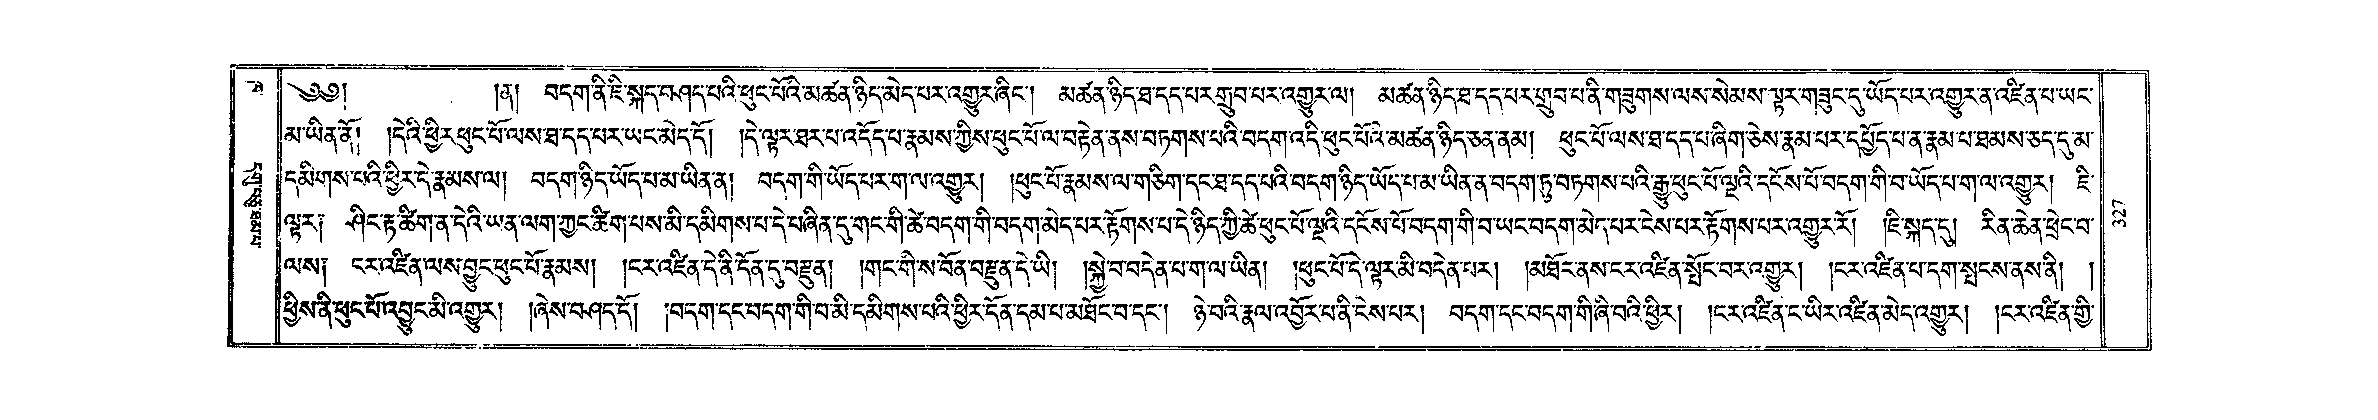༄༅། །ན། བདག་ནི་ཇི་སྐད་བཤད་པའི་ཕུང་པོའི་མཚན་ཉིད་མེད་པར་འགྱུར་ཞིང་། མཚན་ཉིད་ཐ་དད་པར་གྲུབ་པར་འགྱུར་ལ། མཚན་ཉིད་ཐ་དད་པར་གྲུབ་པ་ནི་གཟུགས་ལས་སེམས་ལྟར་གཟུང་དུ་ཡོད་པར་འགྱུར་ན་འཛིན་པ་ཡང་
མ་ཡིན་ནོ། །དེའི་ཕྱིར་ཕུང་པོ་ལས་ཐ་དད་པར་ཡང་མེད་དོ། །དེ་ལྟར་ཐར་པ་འདོད་པ་རྣམས་ཀྱིས་ཕུང་པོ་ལ་བརྟེན་ནས་བཏགས་པའི་བདག་འདི་ཕུང་པོའི་མཚན་ཉིད་ཅན་ནམ། ཕུང་པོ་ལས་ཐ་དད་པ་ཞིག་ཅེས་རྣམ་པར་དཔྱོད་པ་ན་རྣམ་པ་ཐམས་ཅད་དུ་མ་
དམིགས་པའི་ཕྱིར་དེ་རྣམས་ལ། བདག་ཉིད་ཡོད་པ་མ་ཡིན་ན། བདག་གི་ཡོད་པར་ག་ལ་འགྱུར། །ཕུང་པོ་རྣམས་ལ་གཅིག་དང་ཐ་དད་པའི་བདག་ཉིད་ཡོད་པ་མ་ཡིན་ན་བདག་ཏུ་བཏགས་པའི་རྒྱུ་ཕུང་པོ་ལྔའི་དངོས་པོ་བདག་གི་བ་ཡོད་པ་ག་ལ་འགྱུར། ཇི་
ལྟར༑ ཤིང་རྟ་ཚིག་ན་དེའི་ཡན་ལག་ཀྱང་ཚིག་པས་མི་དམིགས་པ་དེ་བཞིན་དུ་གང་གི་ཚེ་བདག་གི་བདག་མེད་པར་རྟོགས་པ་དེ་ཉིད་ཀྱི་ཚེ་ཕུང་པོ་ལྔའི་དངོས་པོ་བདག་གི་བ་ཡང་བདག་མེད་པར་ངེས་པར་རྟོགས་པར་འགྱུར་རོ། །ཇི་སྐད་དུ། རིན་ཆེན་ཕྲེང་བ་
ལས༑ ངར་འཛིན་ལས་བྱུང་ཕུང་པོ་རྣམས། །ངར་འཛིན་དེ་ནི་དོན་དུ་བརྫུན། །གང་གི་ས་བོན་བརྫུན་དེ་ཡི། །སྐྱེ་བ་བདེན་པ་ག་ལ་ཡིན། །ཕུང་པོ་དེ་ལྟར་མི་བདེན་པར། །མཐོང་ནས་ངར་འཛིན་སྤོང་བར་འགྱུར། །ངར་འཛིན་པ་དག་སྤངས་ནས་ནི། །
ཕྱིས་ནི་ཕུང་པོ་འབྱུང་མི་འགྱུར། །ཞེས་བཤད་དོ། །བདག་དང་བདག་གི་བ་མི་དམིགས་པའི་ཕྱིར་དོན་དམ་པ་མཐོང་བ་དང་། ཉེ་བའི་རྣལ་འབྱོར་བ་ནི་ངེས་པར། བདག་དང་བདག་གི་ཞི་བའི་ཕྱིར། །ངར་འཛིན་ང་ཡིར་འཛིན་མེད་འགྱུར། །ངར་འཛིན་གྱི་